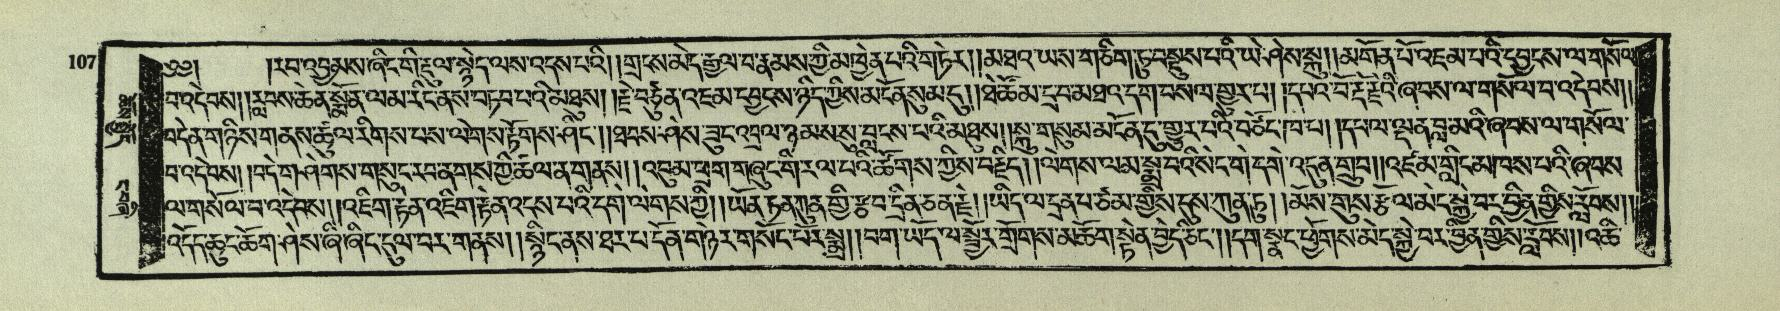༄༅། །རབ་འབྱམས་ཞིང་གི་རྡུལ་སྙེད་ལས་འདས་པའི། །གྲངས་མེད་རྒྱལ་བ་རྣམས་ཀྱི་མཁྱེན་པའི་གཏེར། །མཐའ་ཡས་གཅིག་ཏུ་བསྡུས་པའི་ཡེ་ཤེས་སྐུ། །མགོན་པོ་འཇམ་པའི་དབྱངས་ལ་གསོལ་
བ་འདེབས། །རླབས་ཆེན་སྨོན་ལམ་རིང་ནས་བཏབ་པའི་མཐུས། །རྗེ་བཙུན་འཇམ་དབྱངས་ཉིད་ཀྱིས་མངོན་སུམ་དུ། །ཐེ་ཚོམ་དྲ་བ་མཐའ་དག་བསལ་གྱུར་པ། །དཔའ་བོ་རྡོ་རྗེའི་ཞབས་ལ་གསོལ་བ་འདེབས།།
བདེན་གཉིས་གནས་ཚུལ་རིགས་པས་ལེགས་རྟོགས་ཤིང་། །ཐབས་ཤེས་ཟུང་འབྲལ་ཉམས་སུ་བླངས་པའི་མཐུས། །སྐུ་གསུམ་མངོན་དུ་གྱུར་པའི་བཙོང་ཁ་པ། །དཔལ་ལྡན་བླ་མའི་ཞབས་ལ་གསོལ་
བ་འདེབས། །བདེ་གཤེགས་གསུང་རབ་ནགས་ཀྱི་ཚལ་ན་གནས། །འབུམ་ཕྲག་གཞུང་གི་རལ་པའི་ཚོགས་ཀྱིས་བརྗིད། །ལེགས་ལམ་སྨྲ་བའི་སེང་གེ་དགེ་འདུན་གྲུབ། །འཛམ་གླིང་མཁས་པའི་ཞབས་
ལ་གསོལ་བ་འདེབས། །འཇིག་རྟེན་འཇིག་རྟེན་འདས་པའི་དགེ་ལེགས་ཀྱི། །ཡོན་ཏན་ཀུན་གྱི་རྩ་བ་དྲིན་ཅན་རྗེ། །ཡིད་ལ་དྲན་པ་ཙམ་གྱིས་དུས་ཀུན་ཏུ། །མོས་གུས་རྩོལ་མེད་སྐྱེ་བར་བྱིན་གྱིས་རློབས།།
འདོད་ཆུང་ཆོག་ཤེས་ཞི་ཞིང་དུལ་བར་གནས། །སྙིང་ནས་ཐར་པ་དོན་གཉེར་གསོང་པོར་སྨྲ། །བག་ཡོད་ལ་སྦྱོར་གྲོགས་མཆོག་སྟེན་བྱེད་ཅིང་། །དག་སྣང་ཕྱོགས་མེད་སྐྱེ་བར་བྱིན་གྱིས་རློབས། །འཆི་